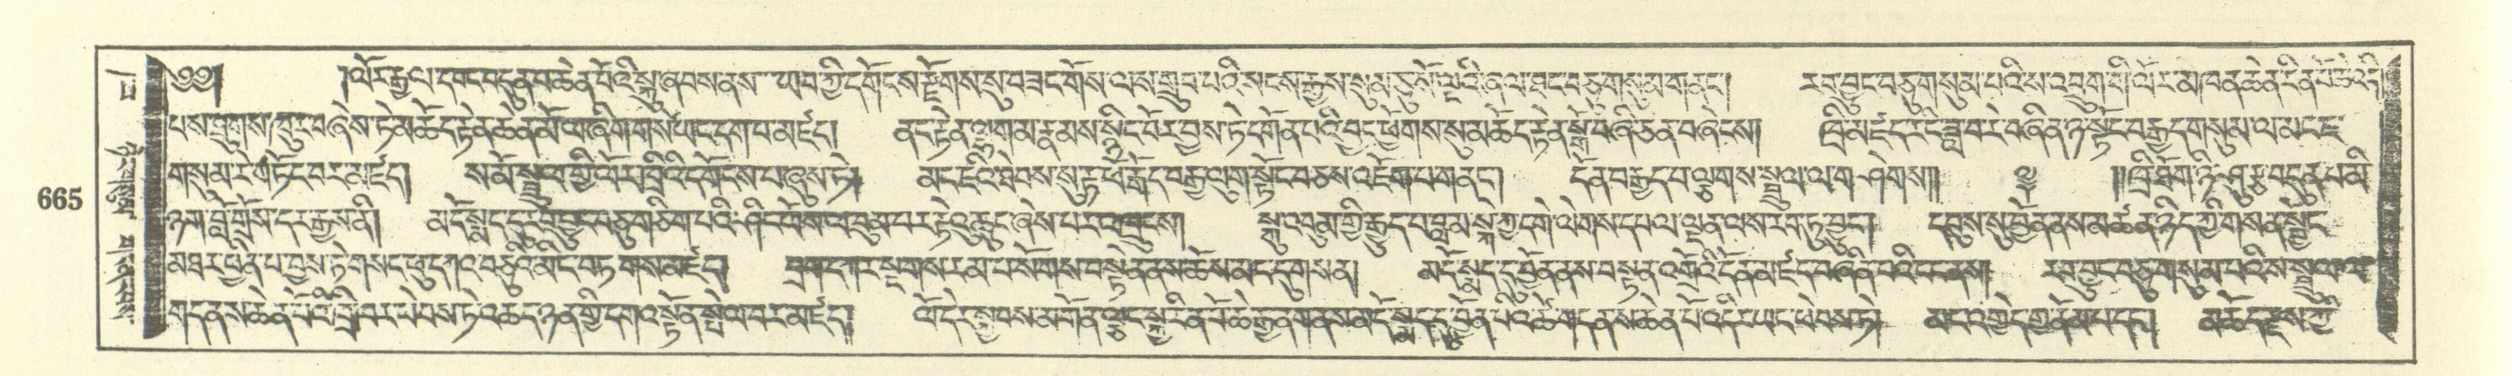༄༅། །ལོར་རྒྱལ་དབང་བདུན་པ་ཆེན་པོའི་སྐུ་ཞབས་ནས་ཡབ་ཀྱི་དགོངས་རྫོགས་སུ་བཟང་གོས་ལས་གྲུབ་པའི་སངས་རྒྱས་སུམ་ཅུ་སོ་ལྔའི་ཞལ་ཐང་བཅུ་གསུམ་གནང་། རབ་བྱུང་བཅུ་གསུམ་པའི་ས་འབྲུག་གི་ལོར་མཁན་ཆེན་རིན་པོ་ཆེ་འདི་
པས་ཐུགས་ཁུར་བཞེས་ཏེ་མཆོད་རྟེན་ཆེན་མོ་ལ་ཞིག་གསོ་ཡང་དག་པ་མཛད། ནང་རྟེན་ལྷག་མ་རྣམས་སྙིང་པོར་བྱས་ཏེ་དགོན་པའི་བྱང་ཕྱོགས་སུ་མཆོད་རྟེན་སྒོ་བཞི་ཅན་བཞེངས། ཁྲི་མཛད་རིང་ཟླ་བ་རེ་བཞིན་ཉ་སྟོང་བརྒྱད་གསུམ་ལ་མང་ཇ་
གསུམ་རེ་གཏོང་བར་མཛད། ས་མོ་སྤྲུལ་གྱི་ལོར་ཁྲིའི་དགོངས་པ་ཞུས་ཏེ། མང་ཇའི་ཐེབས་སུ་རྟ་ཕོ་རྒོད་བརྒྱ་ལུག་སྟོང་བཅས་འཇོག་པ་གནང་། དོན་བརྒྱད་པ་ལྕགས་སྤྲུལ་ལ་གཤེགས།། ༈ །།ཁྲི་ཐོག་ཉི་ཤུ་རྩ་བདུན་པ་མི་
ཉག་བློ་གྲོས་དར་རྒྱས་ནི། མདོ་སྨད་དུ་རབ་བྱུང་བཅུ་གཅིག་པའི་ཤིང་ཡོས་ལ་བུམ་པར་རྟེའུ་ཆུང་ཞེས་པར་འཁྲུངས། སྐུ་འབུམ་གྱི་རྒྱུད་པ་བླ་མ་སྐེ་ཀྱ་དགེ་ལེགས་དཔལ་ལྡན་ལས་རབ་ཏུ་བྱུང་། དབུས་སུ་བྱོན་ནས་མཚན་ཉིད་ཀྱི་གསན་སྦྱོང་
མཐར་ཕྱིན་པ་བྱས་ཏེ་གསང་ཕུ་དཀའ་བཅུའི་མིང་བཏགས་མཛད། བྲག་དཀར་སྔགས་རམ་པ་སོགས་བསྟེན་ནས་ཆོས་མང་དུ་གསན། མདོ་སྨད་དུ་བྱོན་ནས་བསྟན་འགྲོའི་དོན་མཛད་བཞིན་པའི་ངང་ནས། རབ་བྱུང་བཅུ་གསུམ་པའི་ས་སྤྲུལ་ལ་
གདན་ས་ཆེན་པོའི་ཁྲི་ཁར་ཕེབས་ཏེ་འཆད་ཉན་གྱི་དགའ་སྟོན་སྤེལ་བར་མཛད། ལོ་དེར་སྐྱབས་མགོན་ལྕང་སྐྱ་རིན་པོ་ཆེ་རྒྱ་ནག་ནས་མདོ་སྨད་དུ་བྱོན་པའི་ཚེ་གདན་ས་ཆེན་པོ་འདིར་ཡང་ཕེབས་ཏེ། མང་འགྱེད་གྱ་ནོམ་པ་དང་། མཆོད་རྫས་ཀྱི་